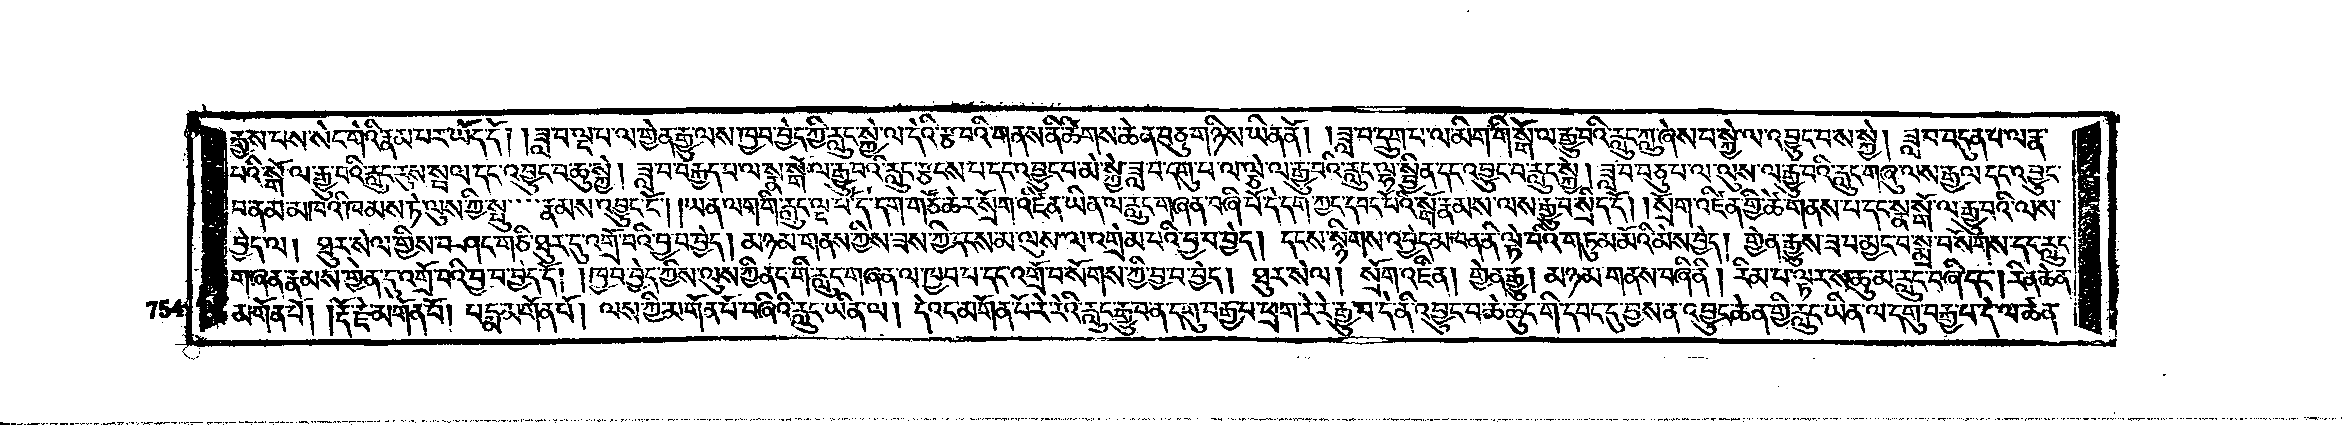རྒྱས་པས་སེང་གེའི་རྣམ་པར་ཡོད་དོ། །ཟླ་བ་ལྔ་པ་ལ་གྱེན་རྒྱུ་ལས་ཁྱབ་བྱེད་ཀྱི་རླུང་སྐྱེ་ལ་དེའི་རྩ་བའི་གནས་ནི་ཚིགས་ཆེན་བཅུ་གཉིས་ཡིན་ནོ། །ཟླ་བ་དྲུག་པ་ལ་མིག་གི་སྒོ་ལ་རྒྱུ་བའི་རླུང་ཀླུ་ཞེས་པ་སྐྱེ་ལ་འབྱུང་བ་ས་སྐྱེ། ཟླ་བ་བདུན་པ་ལ་རྣམ་?
པའི་སྒོ་ལ་རྒྱུ་བའི་རླུང་རུས་སྦལ་དང་འབྱུང་བ་ཆུ་སྐྱེ། ཟླ་བ་བརྒྱད་པ་ལ་སྣ་སྒོ་ལ་རྒྱུ་བའི་རླུང་རྩངས་པ་དང་འབྱུང་བ་མེ་སྐྱེ་ཟླ་བ་དགུ་པ་ལ་ལྕེ་ལ་རྒྱུ་བའི་རླུང་ལྷ་སྦྱིན་དང་འབྱུང་བ་རླུང་སྐྱེ། ཟླ་བ་བཅུ་པ་ལ་ལུས་ལ་རྒྱུ་བའི་རླུང་གཞུ་ལས་རྒྱལ་དང་འབྱུང་
བ་ནམ་མཁའི་ཁམས་ཏེ་ལུས་ཀྱི་སྤུ་རྣམས་འབྱུང་ངོ། །ཡན་ལག་གི་རླུང་ལྔ་པོ་དེ་དག་གཙོ་ཆེར་སྲོག་འཛིན་ཡིན་ལ་རླུང་གཞན་བཞི་པོ་དེ་དག་ཀྱང་དབང་པོའི་སྒོ་རྣམས་ལས་རྒྱུ་བ་སྲིད་དོ། །སྲོག་འཛིན་གྱི་ཚེ་གནས་པ་དང་སྣ་སྒོ་ལ་རྒྱུ་བའི་ལས་
བྱེད་ལ། ཐུར་སེལ་གྱིས་བཤད་གཅི་ཐུར་དུ་འགྲོ་བའི་བྱ་བ་བྱེད། མཉམ་གནས་ཀྱིས་ཟས་ཀྱི་དངས་མ་ལུས་ལ་འགྲེམ་པའི་བྱ་བ་བྱེད། དངས་སྙིགས་འབྱེད་མཁན་ནི་ལྟེ་བའི་གཏུམ་མོའི་མེས་བྱེད། གྱེན་རྒྱུས་ཟ་བ་མྱང་བ་སྨྲ་བ་སོགས་དང་རླུང་
གཞན་རྣམས་གྱེན་དུ་འགྲོ་བའི་བྱ་བ་བྱེད་དོ། །ཁྱབ་བྱེད་ཀྱིས་ལུས་ཀྱི་ནང་གི་རླུང་གཞན་ལ་ཁྱབ་པ་དང་འགྲོ་བ་སོགས་ཀྱི་བྱ་བ་བྱེད། ཐུར་སེལ། སྲོག་འཛིན། གྱེན་རྒྱུ། མཉམ་གནས་བཞི་ནི། རིམ་པ་ལྟར་ས་ཆུ་མ་རླུང་བཞི་དང་། རིན་ཆེན་
མགོན་པོ། །རྡོ་རྗེ་མགོན་པོ། པདམ་མགོན་པོ། ལས་ཀྱི་མགོན་པོ་བཞིའི་རླུང་ཡིན་ལ། དེའང་མགོན་པོ་རེ་རེའི་རླུང་རྒྱུ་བ་ན་དགུ་བརྒྱ་པ་ཕྲག་རེ་རེ་རྒྱུ་ལ་དེ་ནི་འབྱུང་བ་ཆེ་ཆུང་གི་དབང་དུ་བྱས་ན་འབྱུང་ཆེན་གྱི་རླུང་ཡིན་ལ་དགུ་བརྒྱ་པ་དེ་ལ་ཚན་